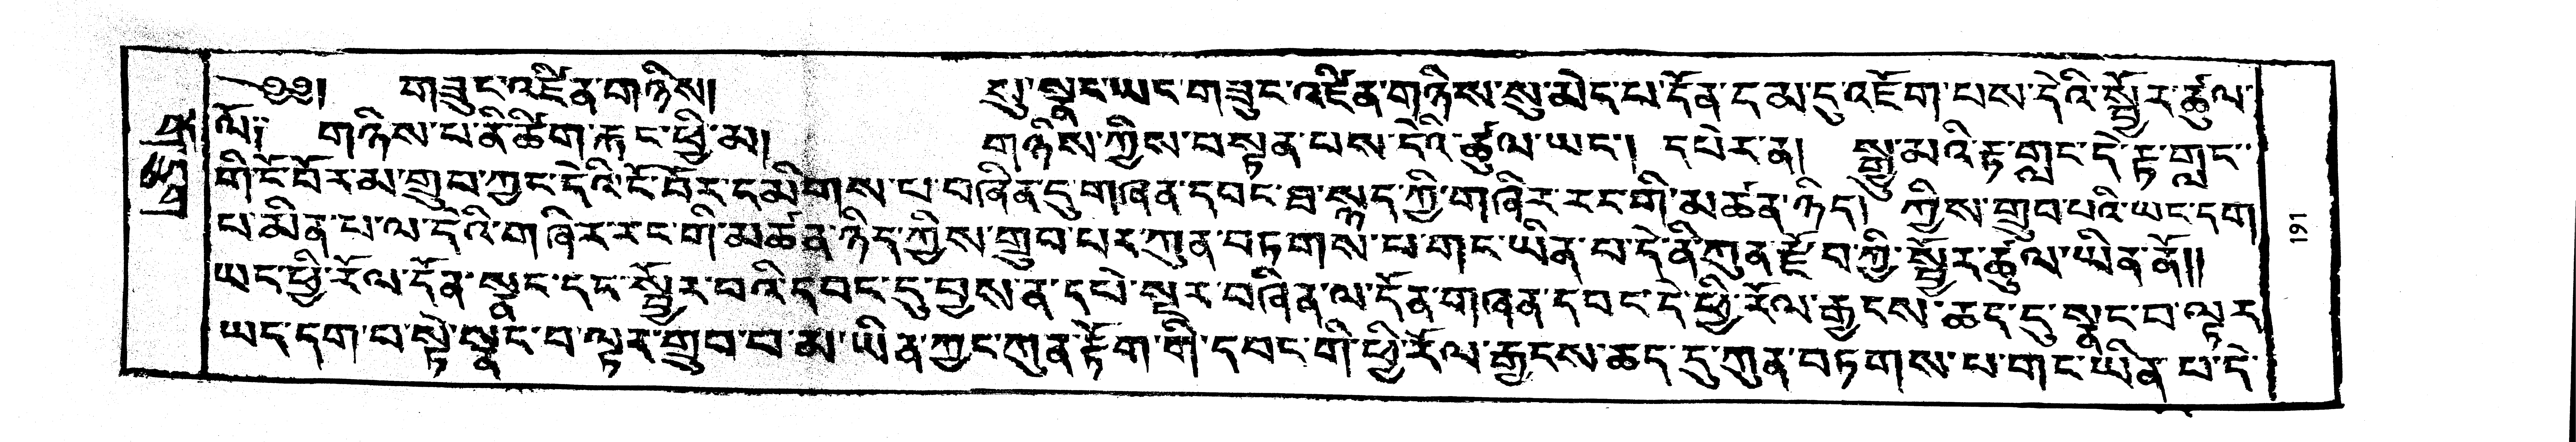༄༅། །གཟུང་འཛིན་གཉིས། སུ་སྣང་ཡང་གཟུང་འཛིན་གཉིས་སུ་མེད་པ་དོན་དམ་དུ་འཇོག་པས་དེའི་སྦྱོར་ཚུལ་
ལོ། གཉིས་པ་ནི་ཚིག་རྐང་ཕྱི་མ། གཉིས་ཀྱིས་བསྟན་པས་དེའི་ཚུལ་ཡང་། དཔེར་ན། སྒྱུ་མའི་རྟ་གླང་དེ་རྟ་གླང་
གི་ངོ་བོར་མ་གྲུབ་ཀྱང་དེའི་ངོ་བོར་དམིགས་པ་བཞིན་དུ་གཞན་དབང་ཐ་སྙད་ཀྱི་གཞིར་རང་གི་མཚན་ཉིད། ཀྱིས་གྲུབ་པའི་ཡང་དག་
པ་མིན་པ་ལ་དེའི་གཞིར་རང་གི་མཚན་ཉིད་ཀྱིས་གྲུབ་པར་ཀུན་བཏགས་པ་གང་ཡིན་པ་དེ་ནི་ཀུན་རྫོབ་ཀྱི་སྦྱོར་ཚུལ་ཡིན་ནོ། །
ཡང་ཕྱི་རོལ་དོན་སྣང་དང་སྦྱོར་བའི་དབང་དུ་བྱས་ན་དཔེ་སྔར་བཞིན་ལ་དོན་གཞན་དབང་དེ་ཕྱི་རོལ་རྒྱངས་ཆད་དུ་སྣང་བ་ལྟར་
ཡང་དག་པ་སྟེ་སྣང་བ་ལྟར་གྲུབ་པ་མ་ཡིན་ཀྱང་ཀུན་རྟོག་གི་དབང་གི་ཕྱི་རོལ་རྒྱངས་ཆད་དུ་ཀུན་བཏགས་པ་གང་ཡིན་པ་དེ་